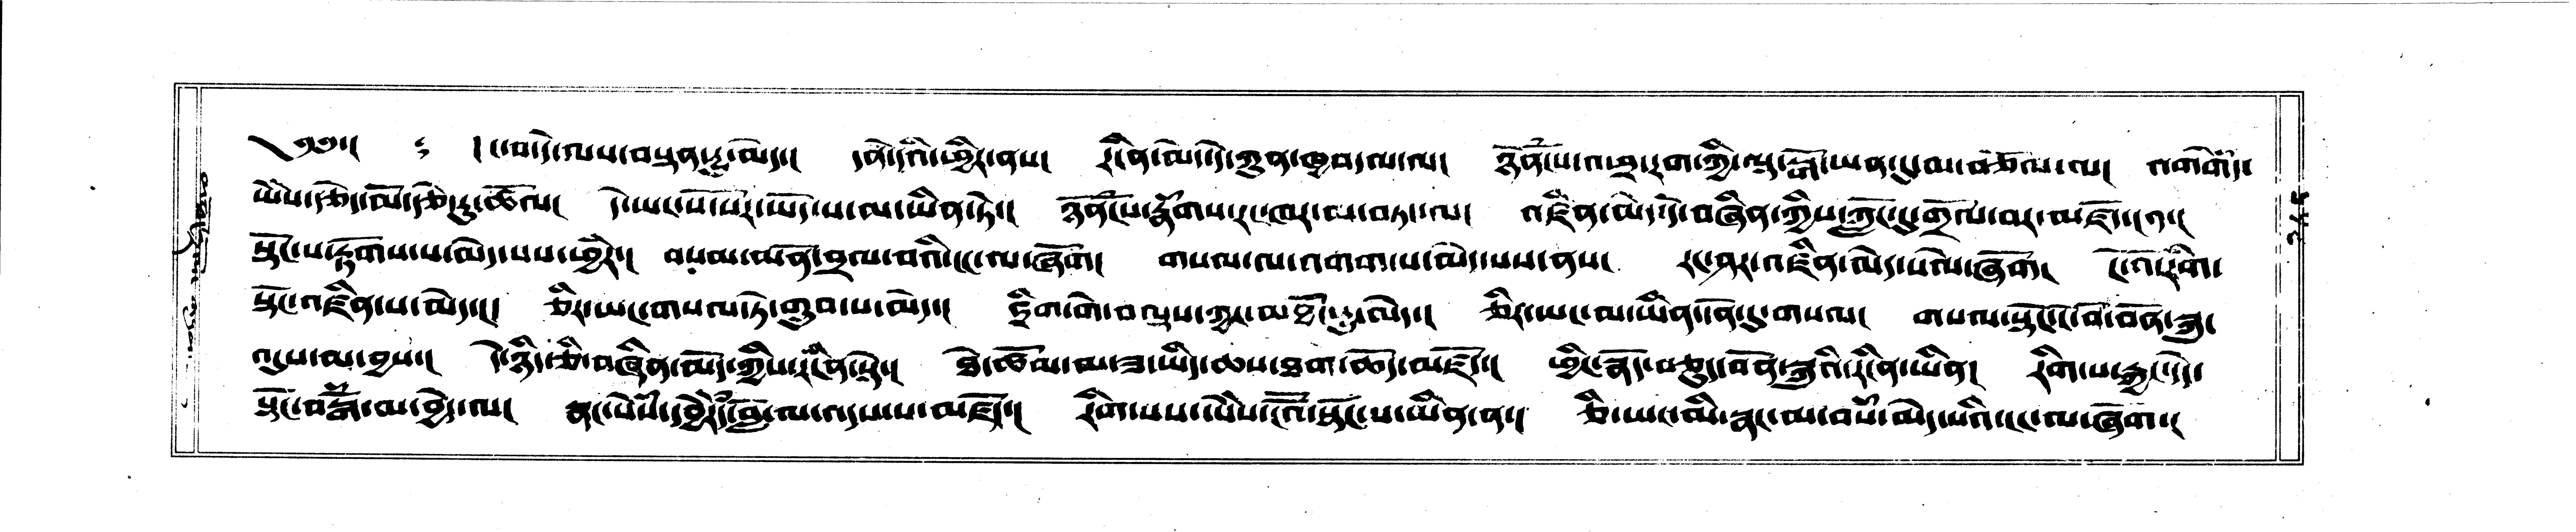ངོའོ་བསྟན་རྒྱུ་དེ་ལས་མེད། དོན་དེའི་ཕྱིར་ན། རང་བཞིན་མེད་དེ་ཀུན་གཞི་ཁྱབ་བདལ་ལ། ཉོན་མོངས་འཕྲ་རགས་ཀྱི་རྟ་རྒྱུག་མ་བཅོལ་ལ། འགགས་མེད་
ཡེ་ཤེས་ཀྱིས་རྩེད་མོ་རྩེ་རུ་ཆོལ། དེ་ཡང་སོ་སོར་ཡོད་པ་མ་ཡིན་ཏེ། ཉོན་མོངས་རྣམ་རྟོག་རང་ཁར་མ་བཏང་ལ། འཛིན་མེད་དེ་ཉིད་ཀྱིས་ཀློང་དུ་རང་སར་གྲོལ་བར་མཛོད་ཅིག 
སྟོང་ལ་རྟོག་པ་མེད་པའི་ཕྱིར། བསམ་མནོའ་བྲལ་བའི་ངང་ལ་ཞོག གསལ་ལ་འགག་པ་མེད་པས་རང་ཤར་འཛིན་མེད་ངང་ལ་སལེ་ཞོག ངོའོ་རིག་
སྟོང་འཛིན་པ་མེད། ཅིར་ཡང་གསལ་ཏེ་གྲུབ་པ་མེད། ཧྲིག་གེ་བལྟས་ཀྱང་མཐོང་རྒྱུ་མེད། ཅི་ཡང་མ་ཡིན་དོན་དུ་གསལ། གསལ་སྟོང་ངོའོ་བོན་སྐུ་
འདུས་མ་བྱས། དེ་ཉིད་ཅི་བཞིན་མོའི་རང་བཞིན་དེ། ཐེ་ཚོམ་མ་ཟ་ཡིད་ཆེས་ཐག་ཆོད་མཛོད། ཕྱི་ནང་སྣོད་བཅུད་བོན་སྐུའི་རང་བཞིན་ཡིན། རིག་པ་རྐྱང་དད་༼དོད༽
སྟོང་སྒོམ་མ་བྱེད་ལ། སྣང་སེམས་དབྱེར་མེད་བློ་ལས་འདས་པར་མཛོད། རིག་པའི་ངོའོ་ཡེ་སྟོང་ཡིན་པས་ན། ཅི་ཡང་མི་བསམ་བསམ་མེད་ངང་ལ་ཞོག